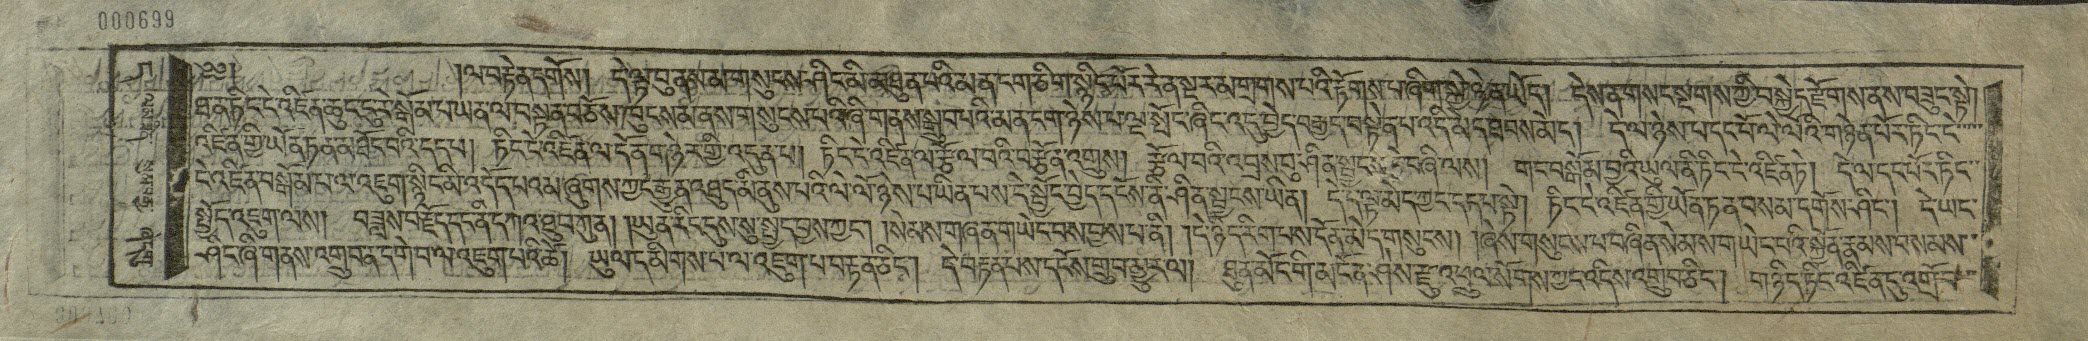༄༅། །ལ་བརྟེན་དགོས། དེ་ལྟ་བུ་ནས་མ་གསུངས་ཤིང་མི་མཐུན་པའི་མན་ངག་ཅིག་སྙིང་པོར་རེ་ན་སྔར་མ་གྲགས་པའི་རྟོགས་པ་ཞིག་སྐྱེ་ཉེན་ཡོད། དེས་ན་གསང་སྔགས་ཀྱི་བསྐྱེད་རྫོགས་ནས་བཟུང་སྟེ།
ཐ་ན་ཏིང་ངེ་འཛིན་ཆུང་དུ་རེ་སྒོམ་པ་ཡན་ལ་བསྟན་བཅོས་ཁུངས་མ་ནས་གསུངས་པའི་ཞི་གནས་སྒྲུབ་པའི་མན་ངག་ཉེས་པ་ལྔ་སྤོང་ཞིང་འདུ་བྱེད་བརྒྱད་བསྟེན་པ་འདི་མེད་ཐབས་མེད། དེ་ལ་ཉེས་པ་དང་པོ་ལེ་ལོའི་གཉེན་པོར་ཏིང་ངེ་
འཛིན་གྱི་ཡོན་ཏན་མཐོང་བའི་དད་པ། ཏིང་ངེ་འཛིན་ལ་དོན་གཉེར་གྱི་འདུན་པ། ཏིང་ངེ་འཛིན་ལ་རྩོལ་བའི་བརྩོན་འགྲུས། རྩོལ་བའི་འབྲས་བུ་ཤིན་སྦྱངས་ཏེ་བཞི་ལས། གང་བསྒོམ་བྱའི་ཡུལ་ནི་ཏིང་ངེ་འཛིན་ཏེ། དེ་ལ་དང་པོར་ཏིང་
ངེ་འཛིན་བསྒོམ་པ་ལ་འཇུག་སྙིང་མི་འདོད་པའམ་ཞུགས་ཀྱང་རྒྱུན་འཐུད་མི་ནུས་པའི་ལེ་ལོ་ཉེས་པ་ཡིན་པས་དེ་སྦྱོང་བྱེད་དངོས་ནི་ཤིན་སྦྱངས་ཡིན། དེ་ད་ལྟ་མེད་ཀྱང་དད་པ་སྟེ། ཏིང་ངེ་འཛིན་གྱི་ཡོན་ཏན་བསམ་དགོས་ཤིང་། དེ་ཡང་
སྤྱོད་འཇུག་ལས། བཟླས་བརྗོད་དང་ནི་དཀའ་ཐུབ་ཀུན། །ཡུན་རིང་དུས་སུ་སྤྱད་བྱས་ཀྱང་། །སེམས་གཞན་གཡེང་བས་བྱས་པ་ནི། །དེ་ཉིད་རིག་པས་དོན་མེད་གསུངས། །ཞེས་གསུངས་པ་བཞིན་སེམས་གཡེང་བའི་སྐྱོན་རྣམས་བསམས་
ཤིང་ཞི་གནས་འགྲུབ་ན་དགེ་བ་ལ་འཇུག་པའི་ཚེ། ཡུལ་དམིགས་པ་ལ་འཇུག་པ་བརྟན་ཅིང་། དེ་བརྟན་པས་དངོས་གྲུབ་མྱུར་ལ། ཐུན་མོང་གི་མངོན་ཤེས་རྫུ་འཕྲུལ་སོགས་ཀྱང་འདིས་འགྲུབ་ཅིང་། གཉིད་ཏིང་འཛིན་དུ་འགྲོ་བ་